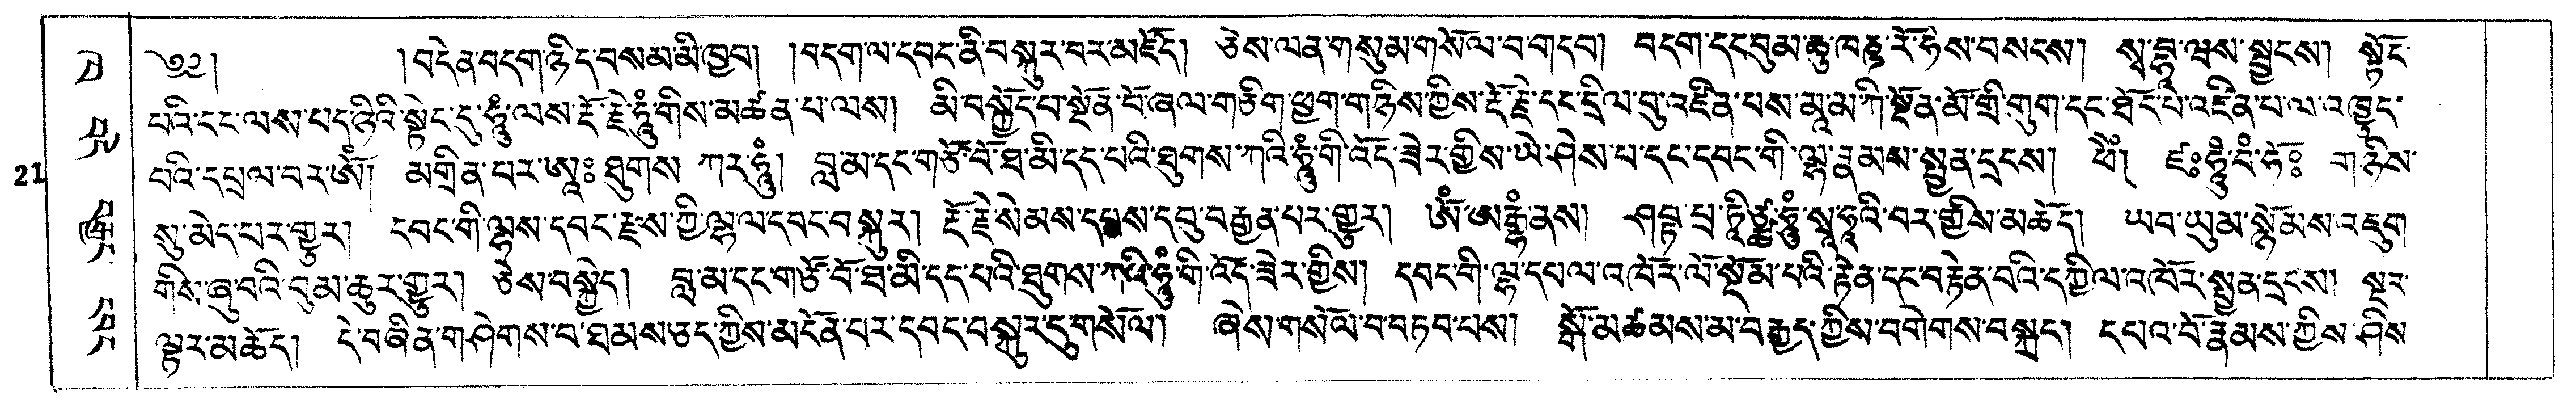༄༅། །བདེན་བདག་ཉིད་བསམ་མི་ཁྱབ། །བདག་ལ་དབང་ནི་བསྐུར་བར་མཛོད། ཅེས་ལན་གསུམ་གསོལ་བ་གདབ། བདག་དང་བུམ་ཆུ་ཁཎྜ་རོ་ཧིས་བསངས། སྭ་བྷཱ་ཝས་སྦྱངས། སྟོང་
པའི་ངང་ལས་པད་ཉིའི་སྟེང་དུ་ཧཱུཾ་ལས་རྡོ་རྗེ་ཧཱུཾ་གིས་མཚན་པ་ལས། མི་བསྐྱོད་པ་སྔོན་པོ་ཞལ་གཅིག་ཕྱག་གཉིས་ཀྱིས་རྡོ་རྗེ་དང་དྲིལ་བུ་འཛིན་པས་མཱ་མ་ཀི་སྔོན་མོ་གྲི་གུག་དང་ཐོད་པ་འཛིན་པ་ལ་འཁྱུད་
པའི་དཔྲལ་བར་ཨོཾ། མགྲིན་པར་ཨཱཿ ཐུགས་ཀར་ཧཱུཾ། བླ་མ་དང་གཙོ་བོ་ཐ་མི་དད་པའི་ཐུགས་ཀའི་ཧཱུཾ་གི་འོད་ཟེར་གྱིས་ཡེ་ཤེས་པ་དང་དབང་གི་ལྷ་རྣམས་སྤྱན་དྲངས། ཕཻཾ། ཛཿ ཧཱུཾ་བཾ་ཧོཿ གཉིས་
སུ་མེད་པར་གྱུར། དབང་གི་ལྷས་དབང་རྫས་ཀྱི་ལྷ་ལ་དབང་བསྐུར། རྡོ་རྗེ་སེམས་དཔས་དབུ་བརྒྱན་པར་གྱུར། ཨོཾ་ཨརྒྷཾ་ནས། ཤཔྟ་པྲ་ཏཱི་ཙྪ་ཧཱུཾ་སྭཱ་ཧཱའི་བར་གྱིས་མཆོད། ཡབ་ཡུམ་སྙོམས་འཇུག་
གིས་ཞུ་བའི་བུམ་ཆུར་གྱུར། ཅེས་བསྐྱེད། བླ་མ་དང་གཙོ་བོ་ཐ་མི་དད་པའི་ཐུགས་ཀའི་ཧཱུཾ་གི་འོད་ཟེར་གྱིས། དབང་གི་ལྷ་དཔལ་འཁོར་ལོ་སྡོམ་པའི་རྟེན་དང་བརྟེན་བའི་དཀྱིལ་འཁོར་སྤྱན་དྲངས། སྔར་
ལྟར་མཆོད། དེ་བཞིན་གཤེགས་པ་ཐམས་ཅད་ཀྱིས་མངོན་པར་དབང་བསྐུར་དུ་གསོལ། ཞེས་གསོལ་བ་བཏབ་པས། སྒོ་མཚམས་མ་བརྒྱད་ཀྱིས་བགེགས་བསྐྲད། དཔའ་བོ་རྣམས་ཀྱིས་ཤིས་